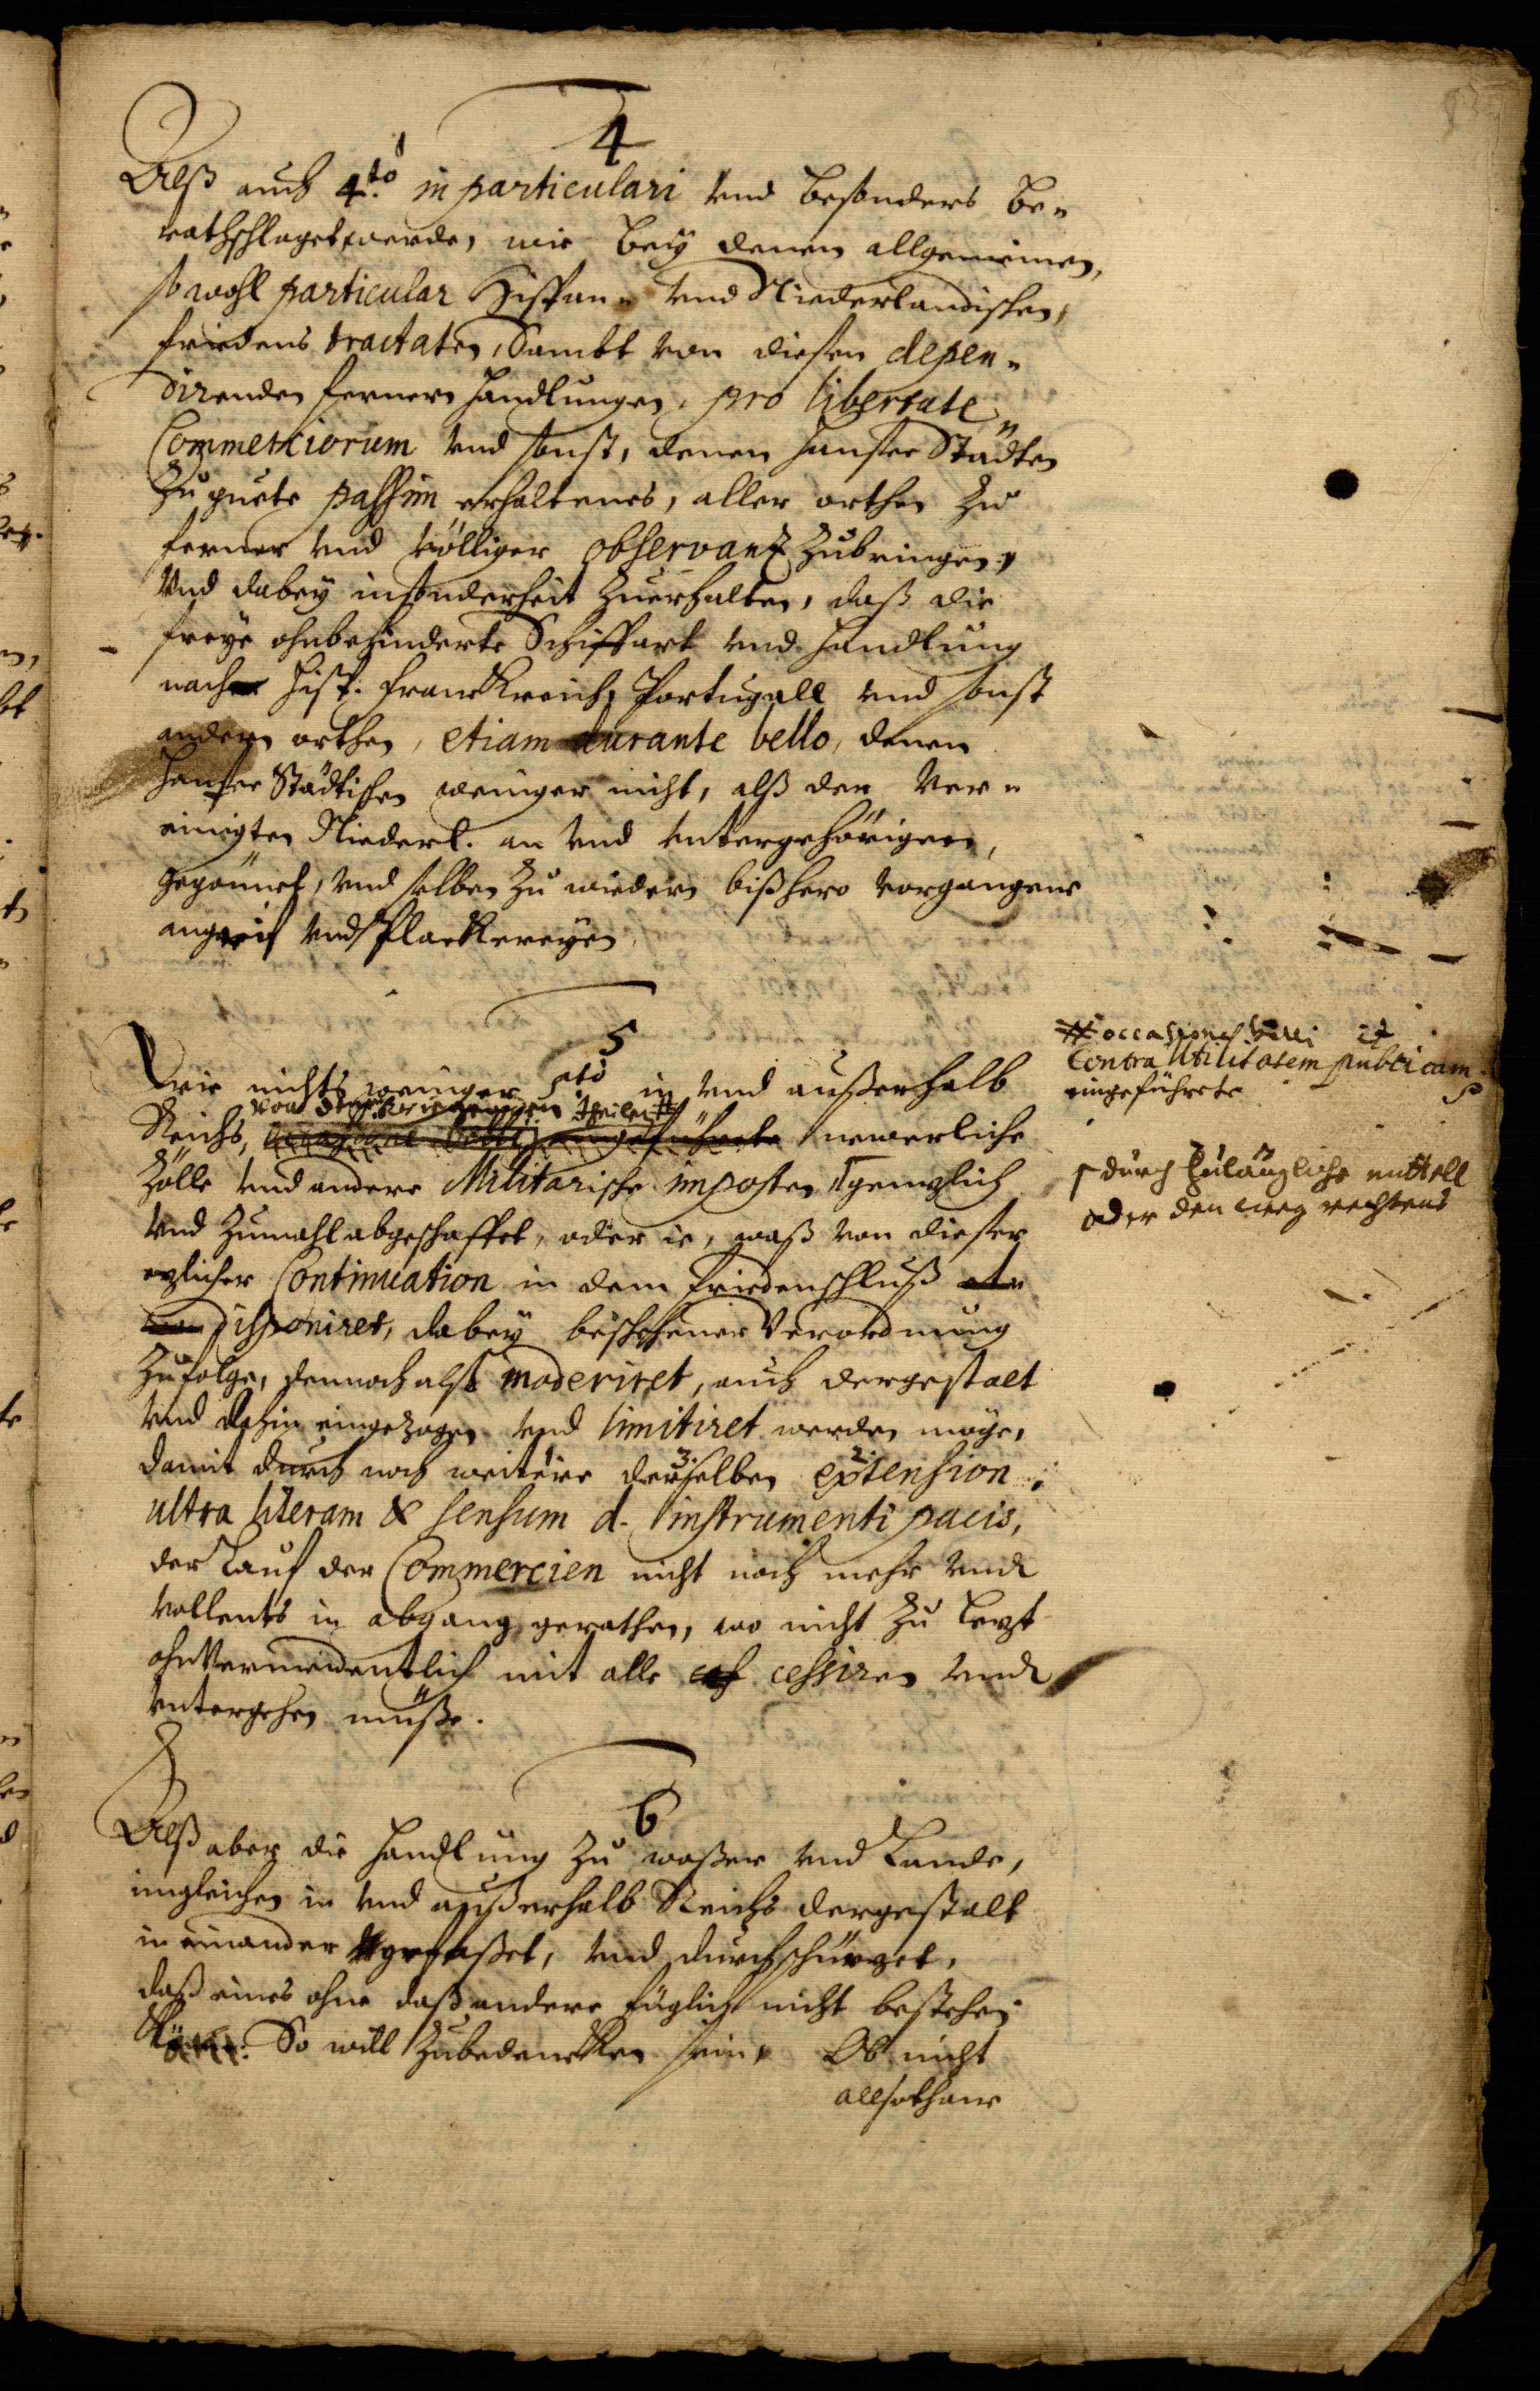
4
Alß auch 4to in particulari vnd besonders be¬
rathschlaget werde, wie beij denen allgemeinen,
so wohl particular Hispan- vnd Niederlandischen,
friedens tractaten, Sambt von diesen depen¬
direnden fernern handlungen, pro libertate
Commerciorum vnd sonst, denen hansee Städten
zu guete passim erhaltenes, aller orthen zu
ferner vnd völliger observantz zubringen,
vnd dabeij insonderheit zuerhalten, daß die
freije ohnbehinderte Schiffart vnd handlung
nacher Hisp. Frankreich, Portugall vnd sonst
andern orthen, etiam durante bello, denen
hansee Städtischen weniger nicht, alß den Ver¬
einigten Niederl. an vnd vntergehörigenn,
gegönnet, vnd selben zu wiedern bißhero vorgangene
angrif vnd Plackereijen.
# occasione belli et
Contra Utilitatem publicam
p
eingeführete
F durch hinlängliche mittell
oder den weg rechtens
5
Wie nichts weniger 5to in vnd außerhalb
Reichs, von denen kriegenden theilen # occasione Belli eingeführte newerliche
Zölle vnd andere Militarische imposten F genzlich
vnd Zumahl abgeschaffet, oder ie, waß von dieser
itzlicher Continuation in dem Friedenschluß et¬
wan disponiret, dabeij beschehener Verordnung
zufolge, dennoch alß moderiret, auch dergestalt
vnd dahin eingezogen vnd limitiret werden möge,
damit durch noch weitere derselben extension
ultra literam & sensum d. instrumenti pacis,
der Lauf der Commercien nicht noch mehr vndt
vollents in abgang gerathen, wo nicht zu letzt
ohnvermeidentlich mit alle ces cessiren vndt
vntergehen müße.
6
Alß aber die handlung zu waßer vnd Lande,
imgleichen in vnd außerhalb Reichs dergestalt
in einander V gefaßet, vnd durchschürget,
daß eines ohne daß andere füglich nicht bestehen
könte: So will zubedenken sein, Ob nicht
allsothane
